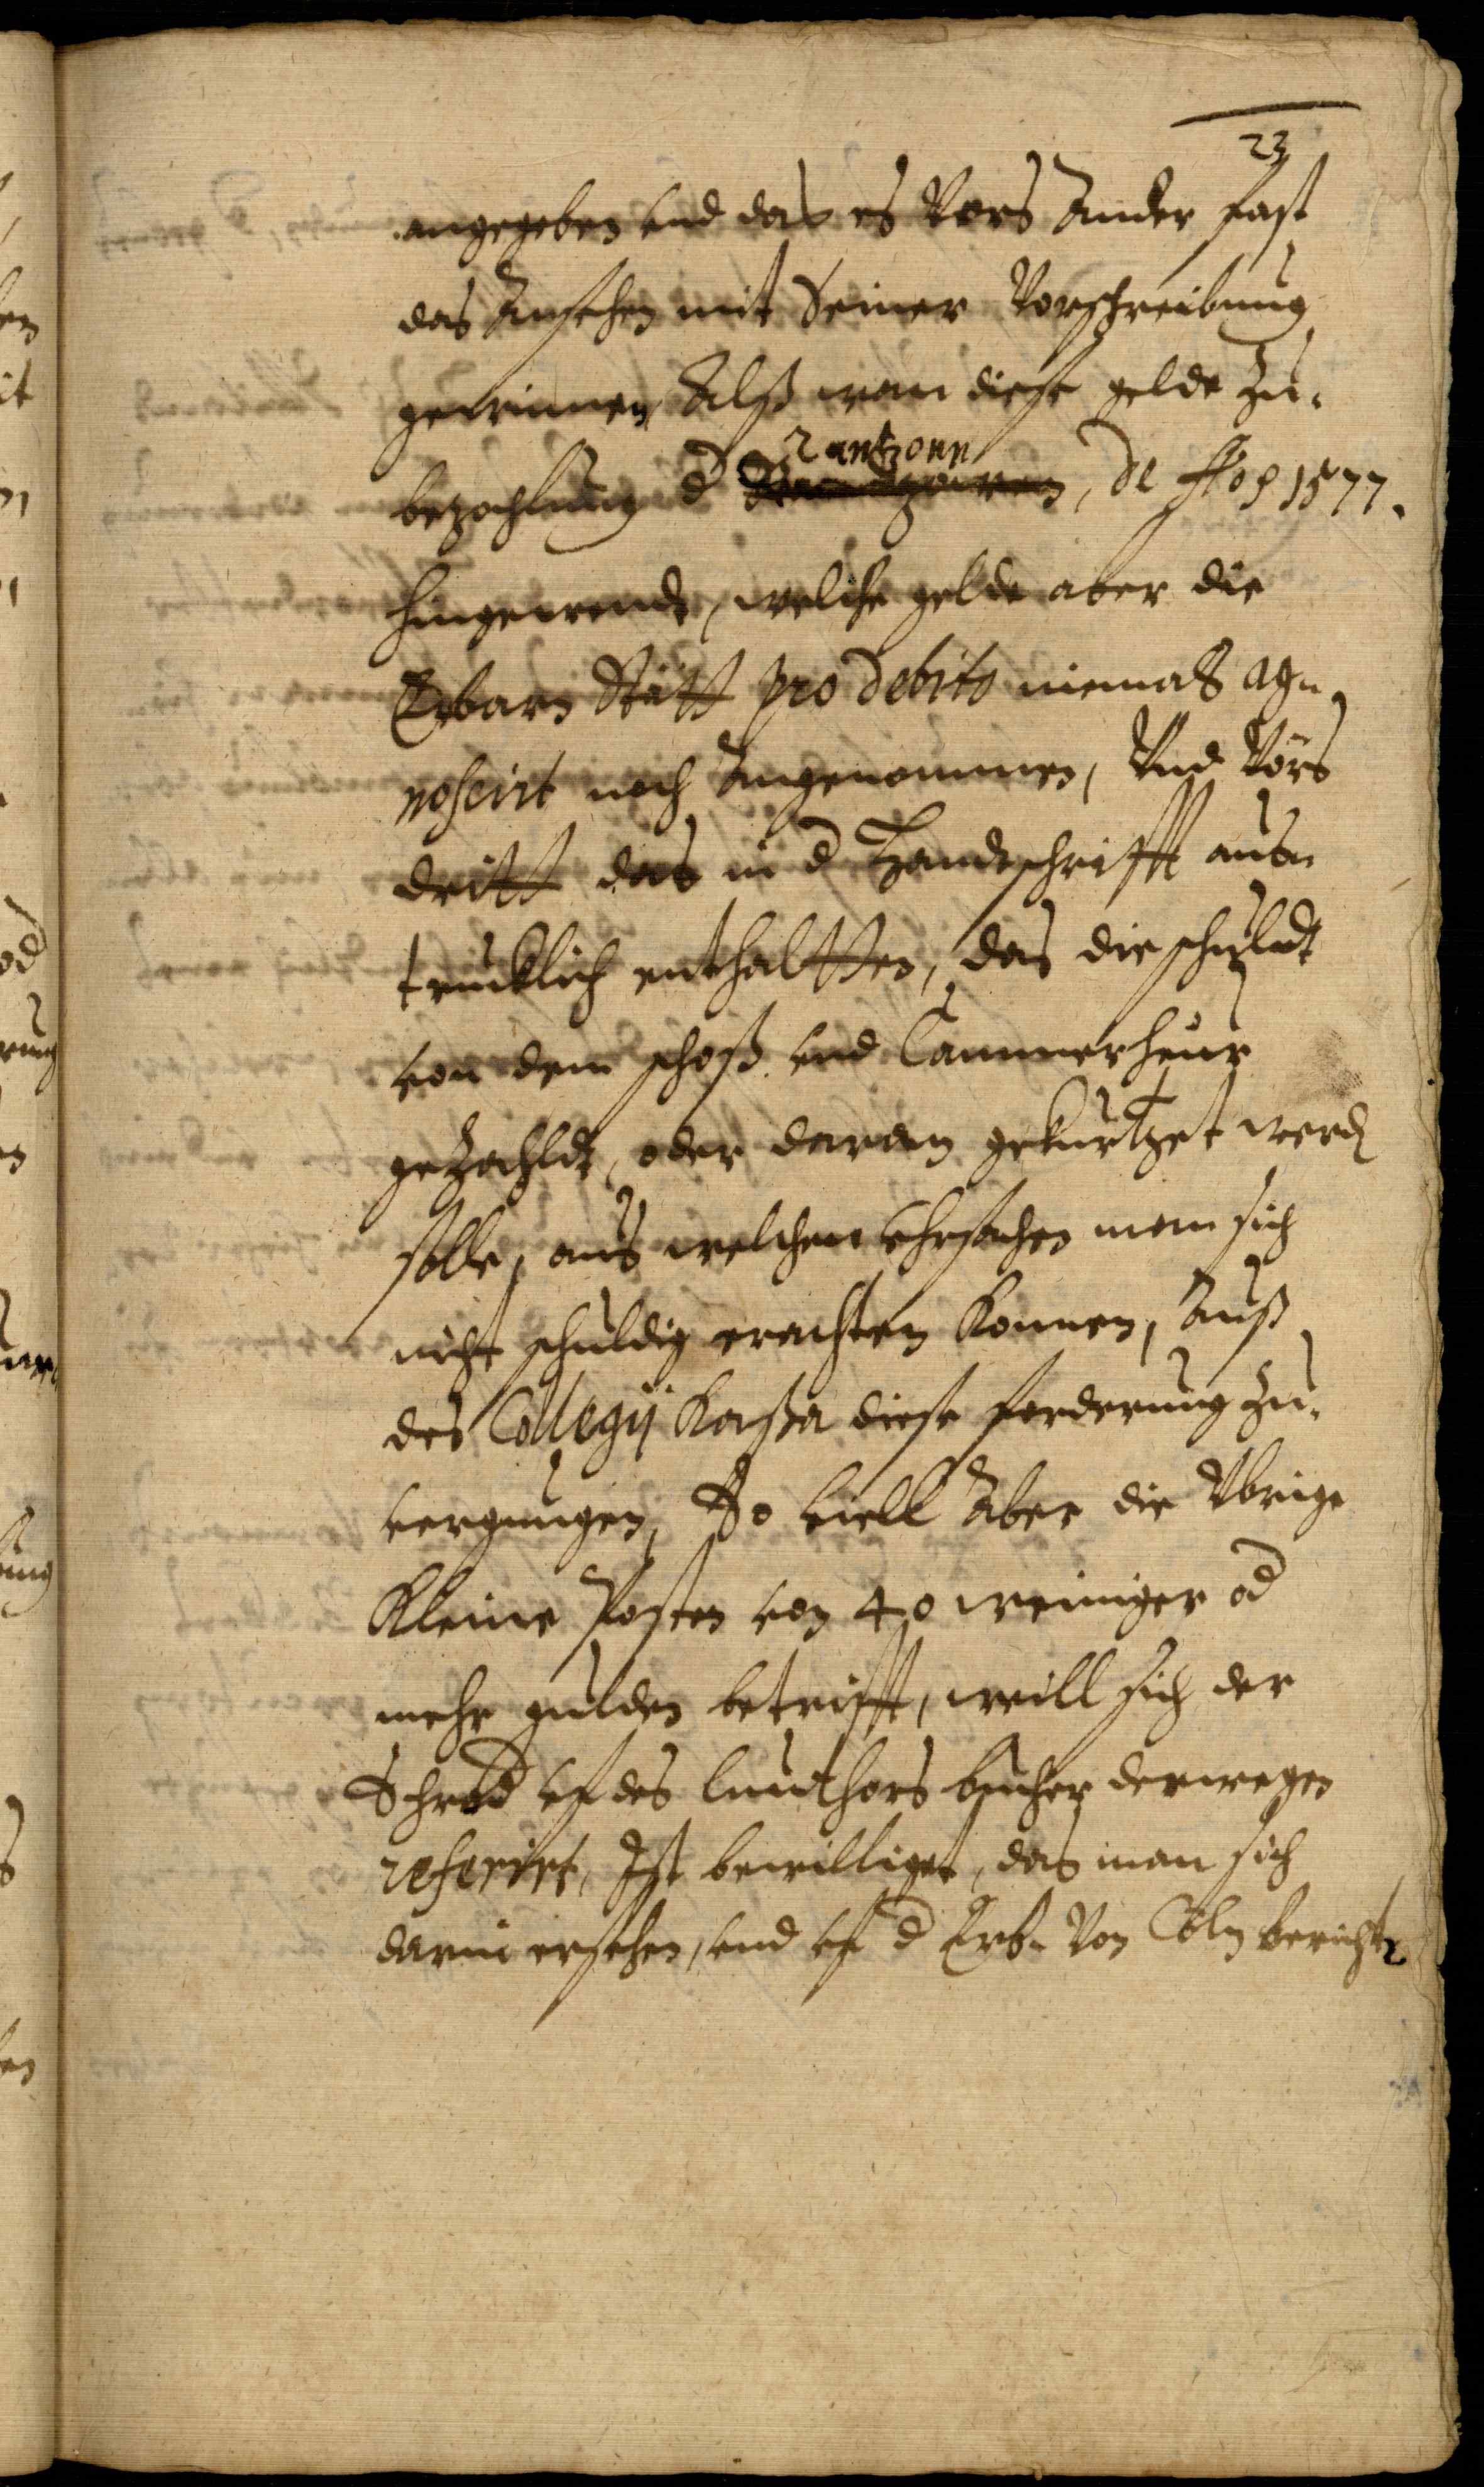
23
angegeben vnd das es vors Ander fast
das Ansehen mit Seiner vorschreibung
gewinnen, Alß wan diese gelde zu¬
rantzonn
bezahlung der Randzoren , de Ao p 1577,
hingewandt, welche gelde aber die
Erbarn Stätt pro debito niemals ag¬
noscirt noch angenommen, Vnd Vörs
dritt dasin der Handtschrifft aus¬
trucklich enthaltten, das die schuldt
von dem schoß vnd Cammerheur
gezahldt, oder daran gekurtzet werden
solle, aus welcher vhrsachen man sich
nicht schuldig erachten konnen, Auß
des Collegii kaßa diese forderung zu¬
vergnugen, So viell Aber die Vbrige
kleine Posten von 40 weniger oder
mehr gulden betrifft, weill sich der
Schroder uf das Cunthors bucher derwegen
referirt, Ist bewilliget, das man sich
darin ersehen, vnd uf der Erb. von Cöln berichten
